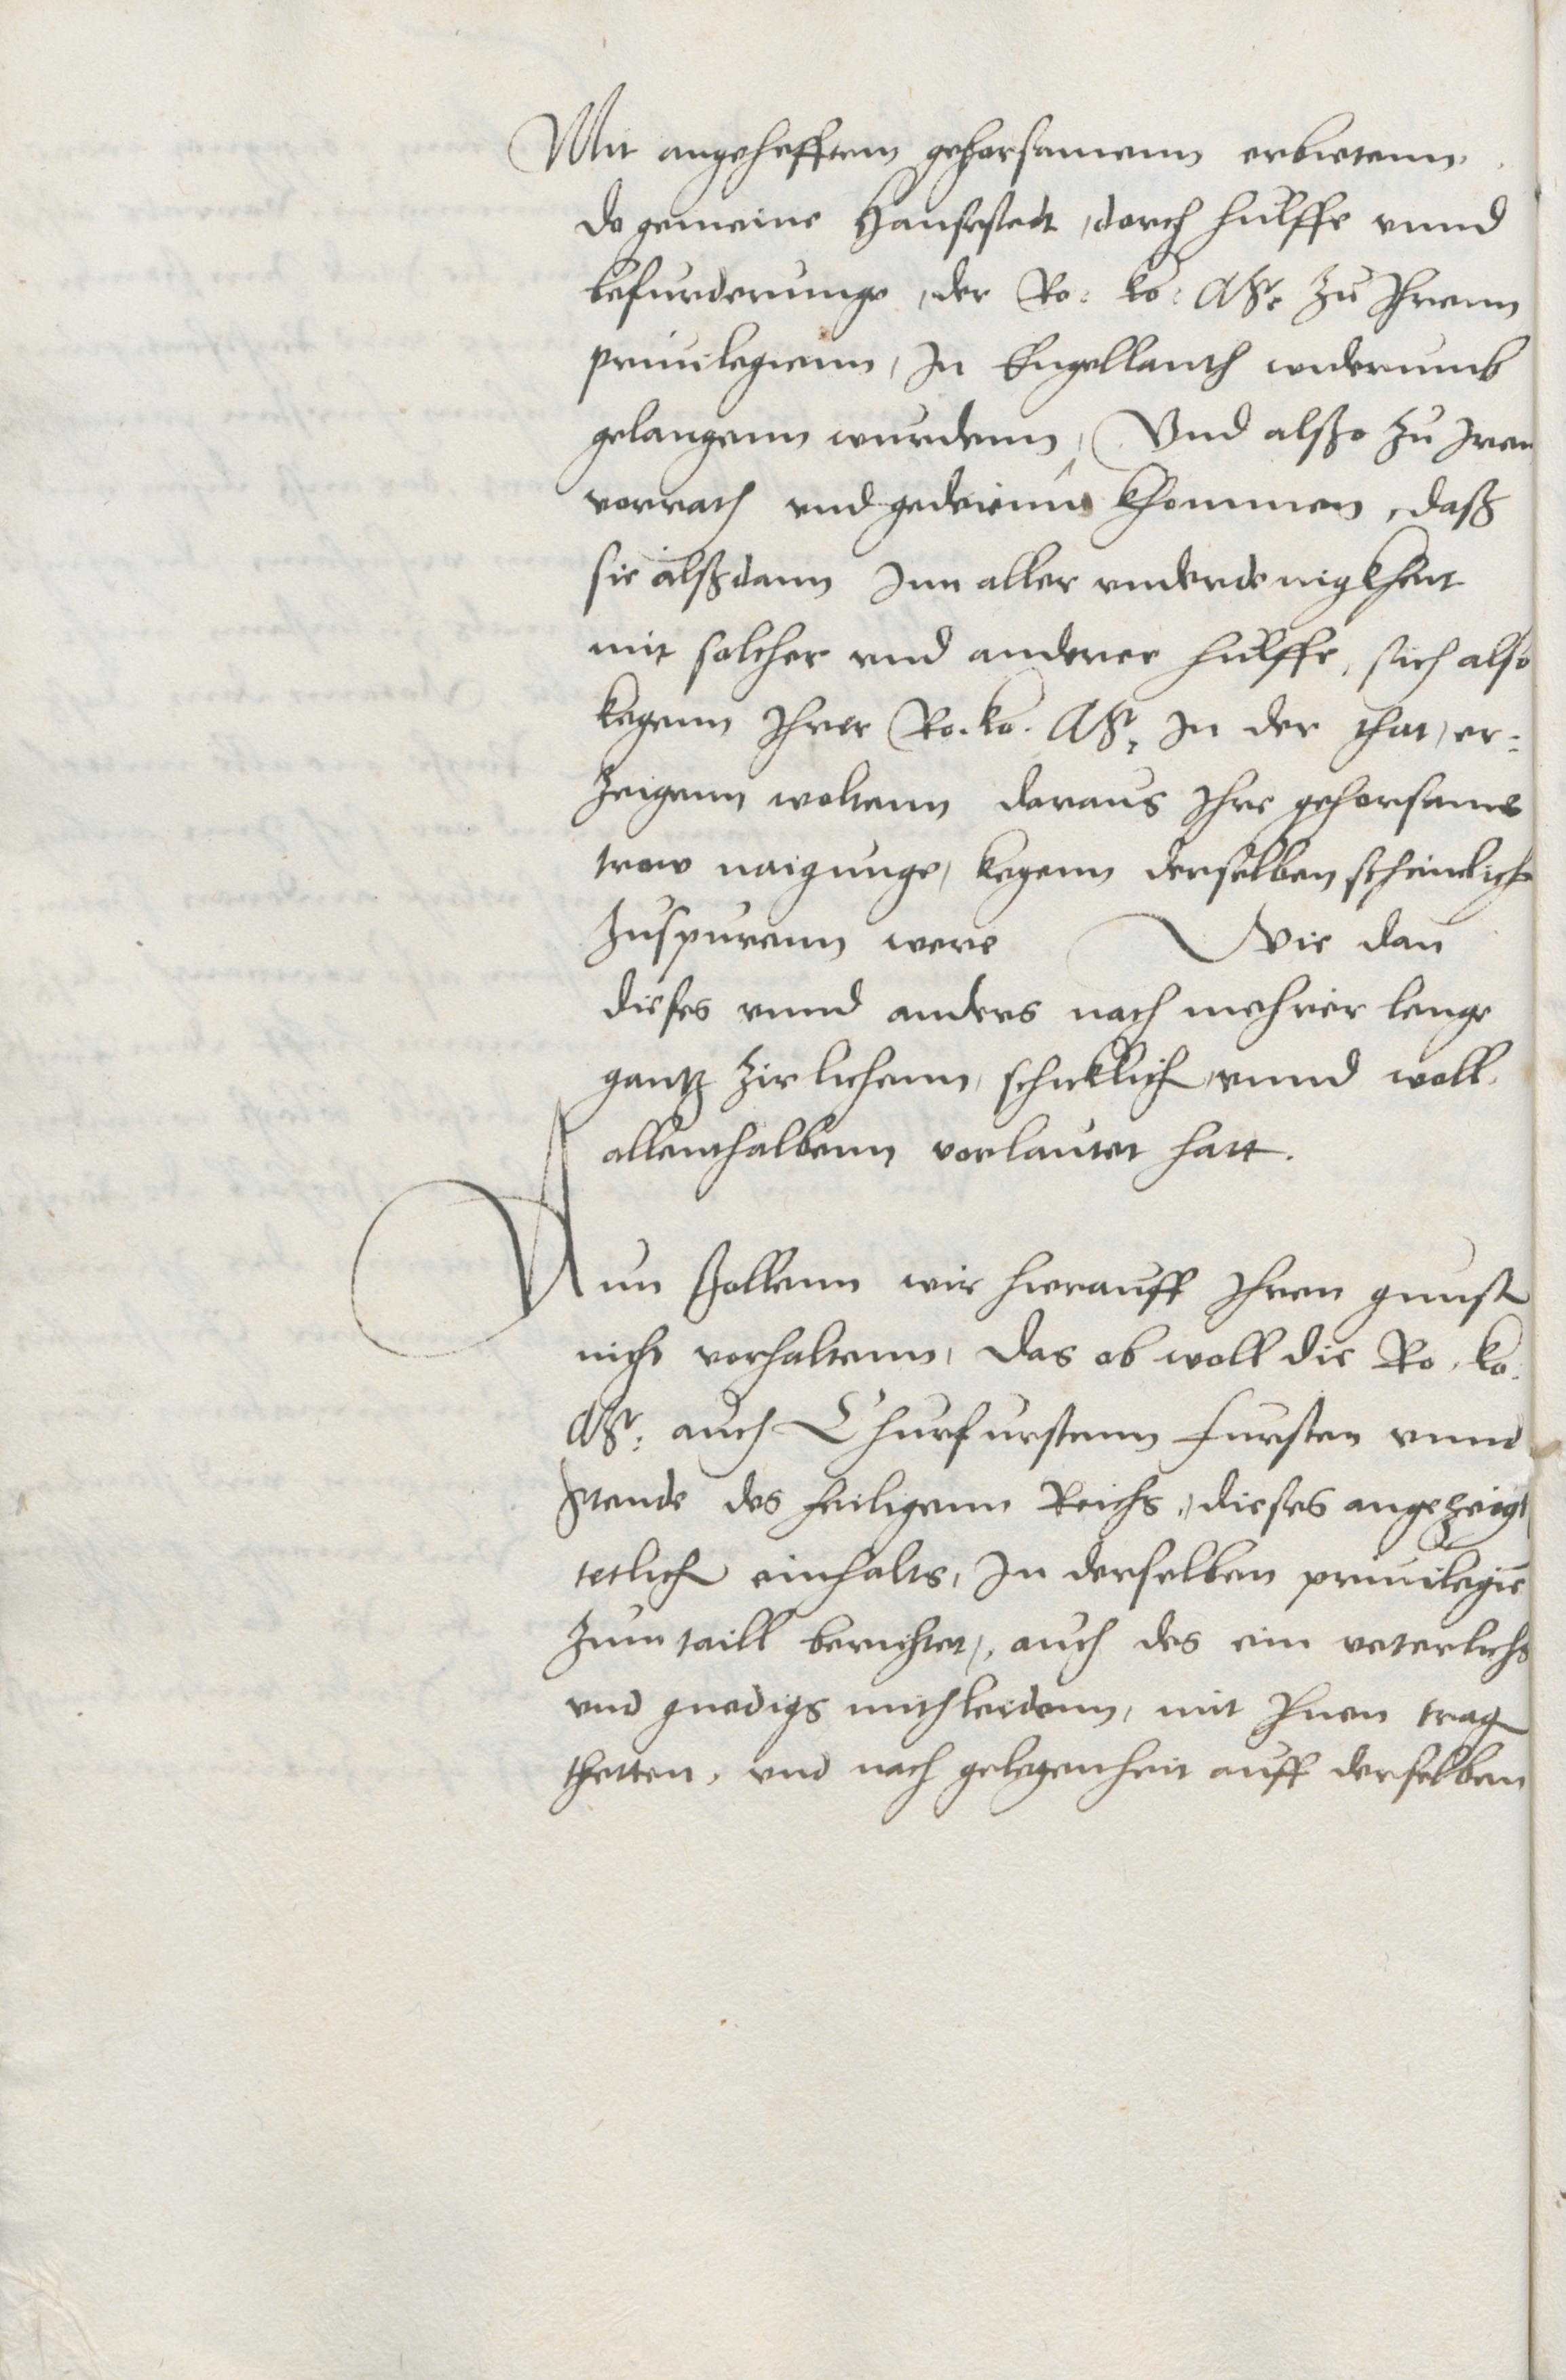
Mit angehefftem gehorsamenn erbietenn,
do gemeine Hansestedt, dorch hulffe vnnd
befurderunge, der Ro: Ko: Mt: zu Jhrenn
priuilegienn, Jn Engellanth widerumb
gelangenn wurdenn, Vnd alßo zu Jren
vorrath vnd gedeienn khommen, daß
sie alßdann Jnn aller vnderdenigkheit
mit solcher vnd anderer hulffe, sich also
kegenn Jhrer Ro: Ko: Mt: Jn der that, er¬
zeigenn woltenn daraus Jhre gehorsame
trow naigunge, kegenn derselben scheinlich
zuspurenn were Wie dan
dieses vnnd anders nach mehrer lenge
gantz zirlichenn, schicklichen, vnnd woll
allenthalbenn vorlautet hatt.
Nun ßollenn wir hierauff Jhren gunsten
nicht vorhaltenn, das ob woll die Ro: Ko:
Mt: auch Churfurstenn Fursten vnnd
Stende des heiligenn Reichs, dieses angezeigt
tetlichen einhalts, Jn derselben priuilegien
zum taill berichtet, auch des ein veterlichs
vnd gnedigs mithleidenn, mit Jhnen tragen
thetten, vnd nach gelegenheit auff derselben
